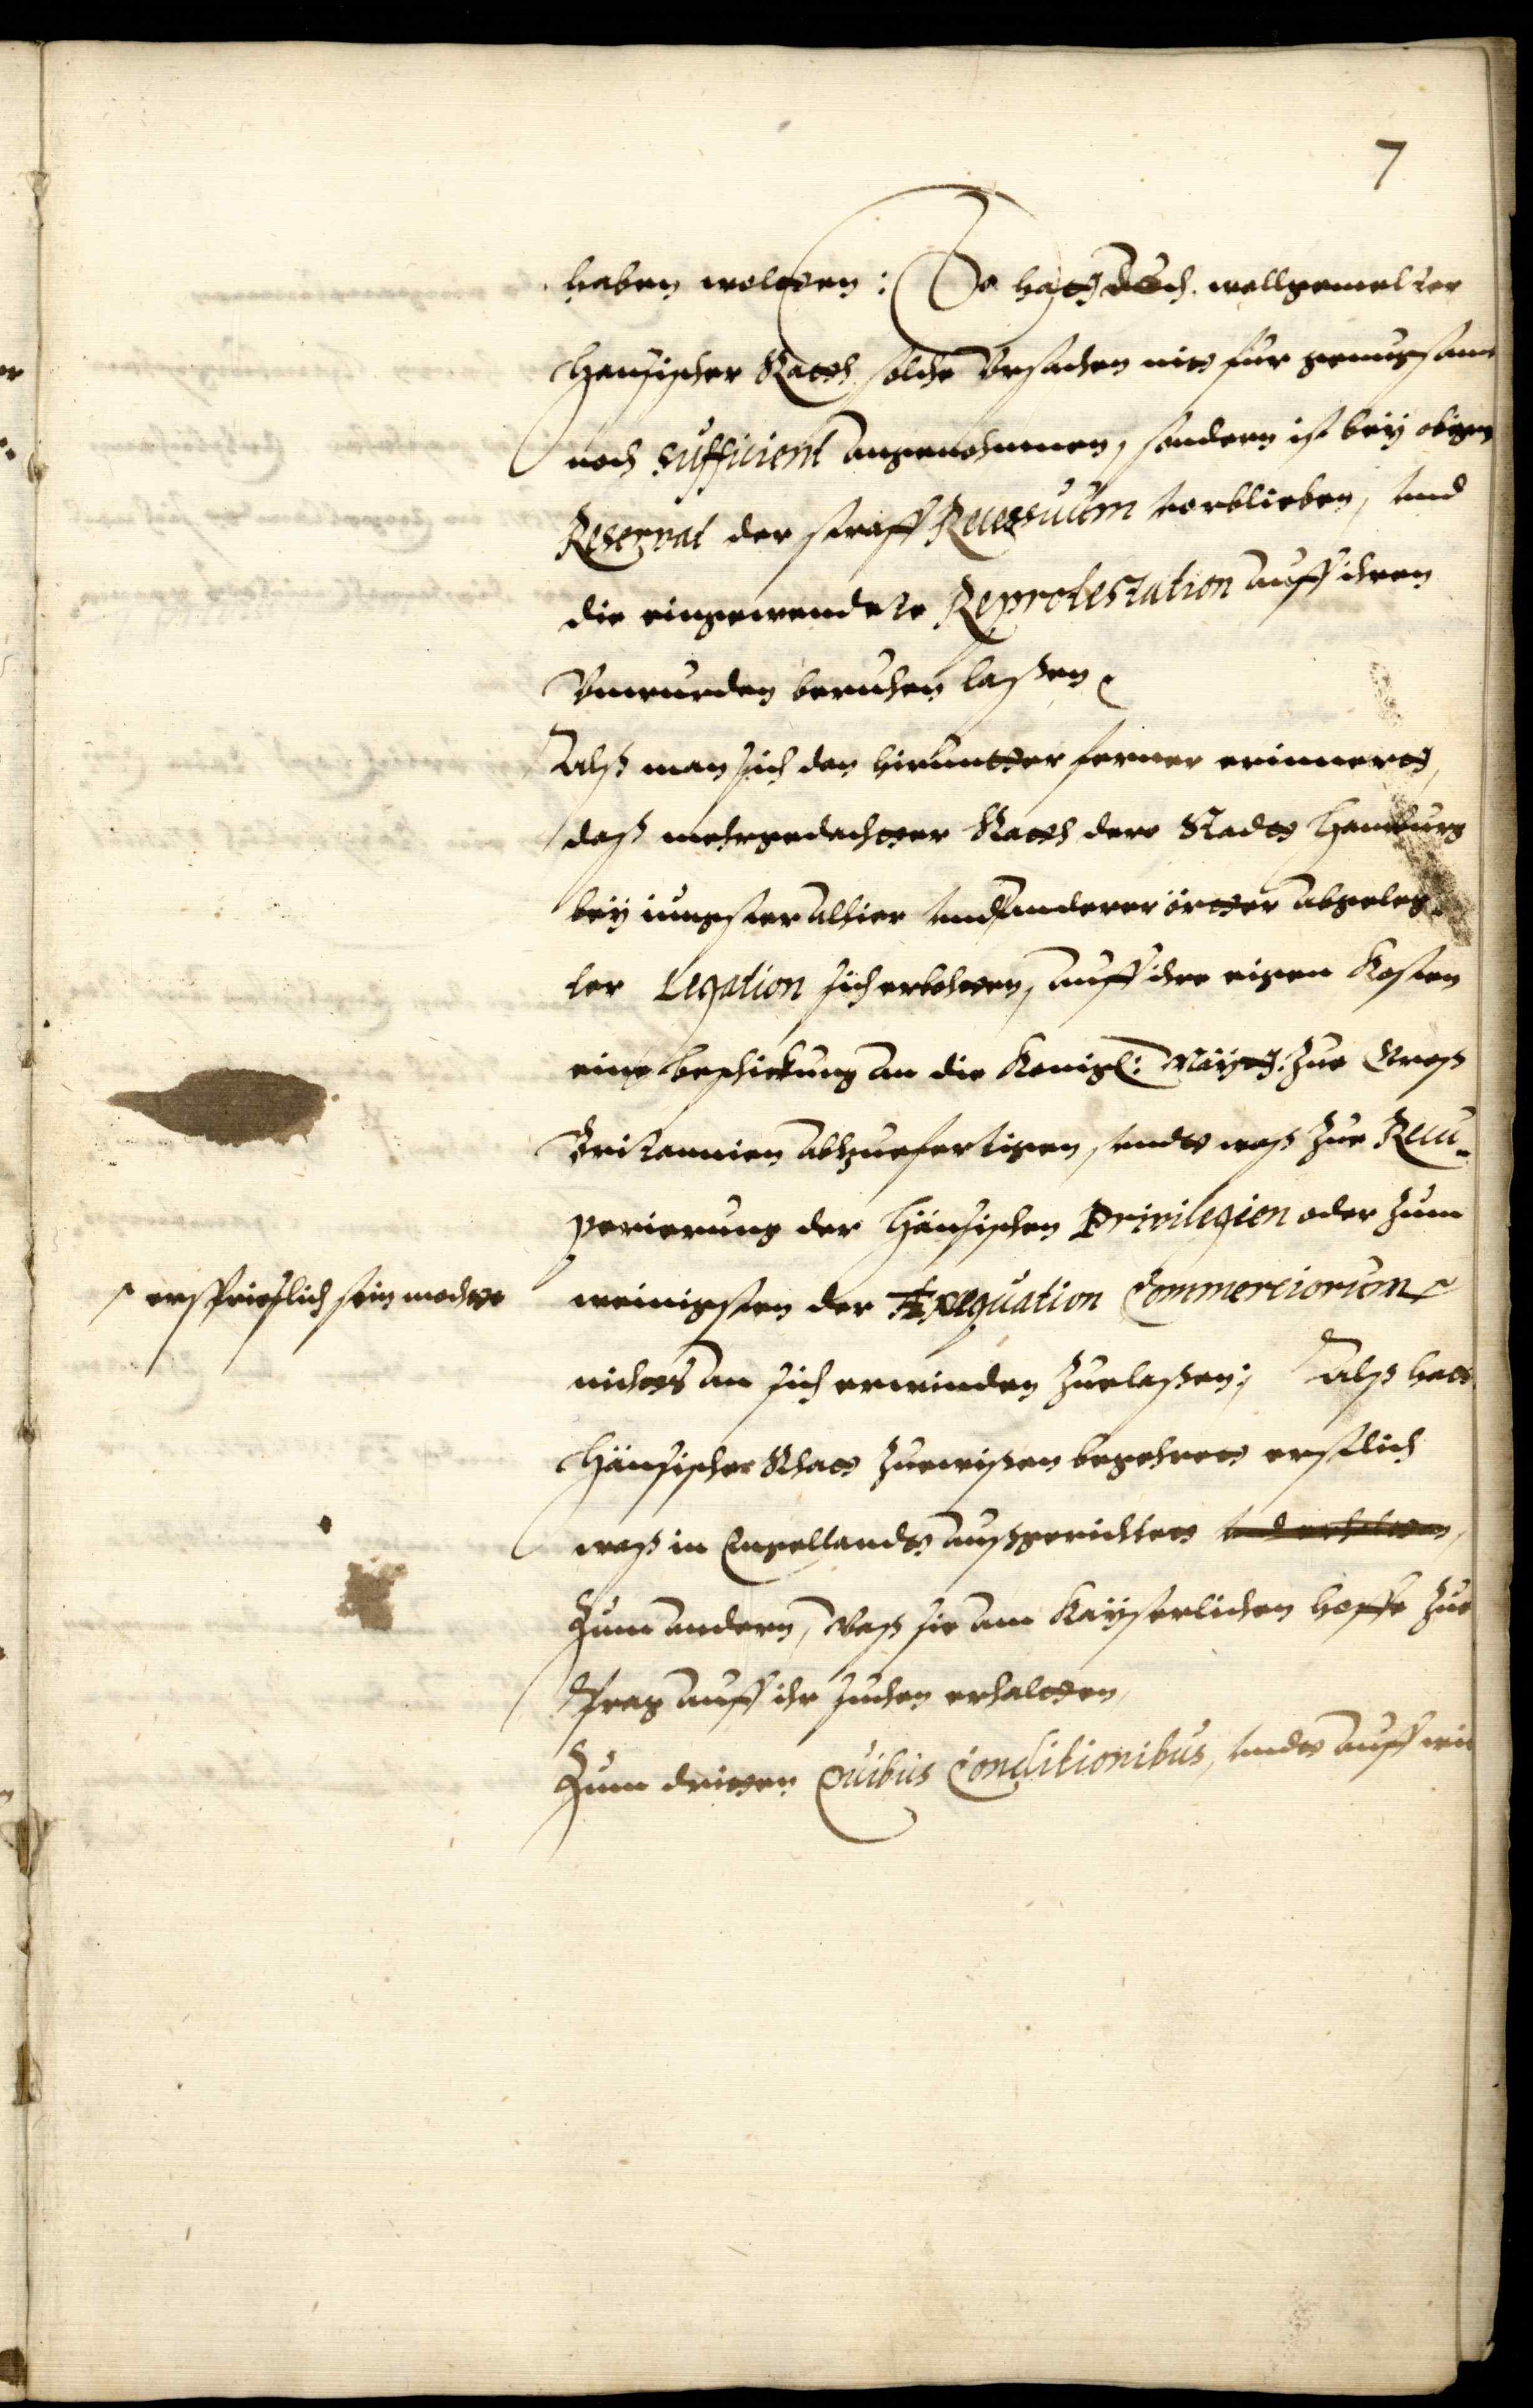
7
haben woltten: So hatt Auch wellgemeltter
Hansischer Ratth solche Vrsachen nitt fur genugsam
noch sufficient angenohmmen, sondern ist beij obigen
Reservat der straff Recessuum vorblieben, vnd
die eingewendete Reprotestation Auff ihren
Vnwurden beruhen laßen p
Alß man sich dan hiruntter ferner erinnertt,
daß mehrgedachtter Ratth dero Stadtt Hamburg
beij iungster alhier vnd anderer örtter abgeleg¬
ter Legation sich erbohtten, Auff ihre eigen Kosten
eine beschickung An die Konigl: Maijtt: zue Groß
Britannien Abtzuefertigen, vndtt waß zue Recu¬
perierung der Hänsischen Privilegien oder zum
weinigsten der Exaequation Commerciorum *
nichtts an sich erwinden zuelaßen:, Alß hatt
Hänsischer Rhatt zuewißen begehrett erstlich
waß in Engellandtt außgerichtett vnd erhaltten,
Zum Andern, Waß sie am Kaijserlichen hoffe zue
Prag Auff ihr suchen erhaltten,
Zum dritten Quibus Conditionibus, vndtt Auff wie
* ersprieslich sein mochtte
